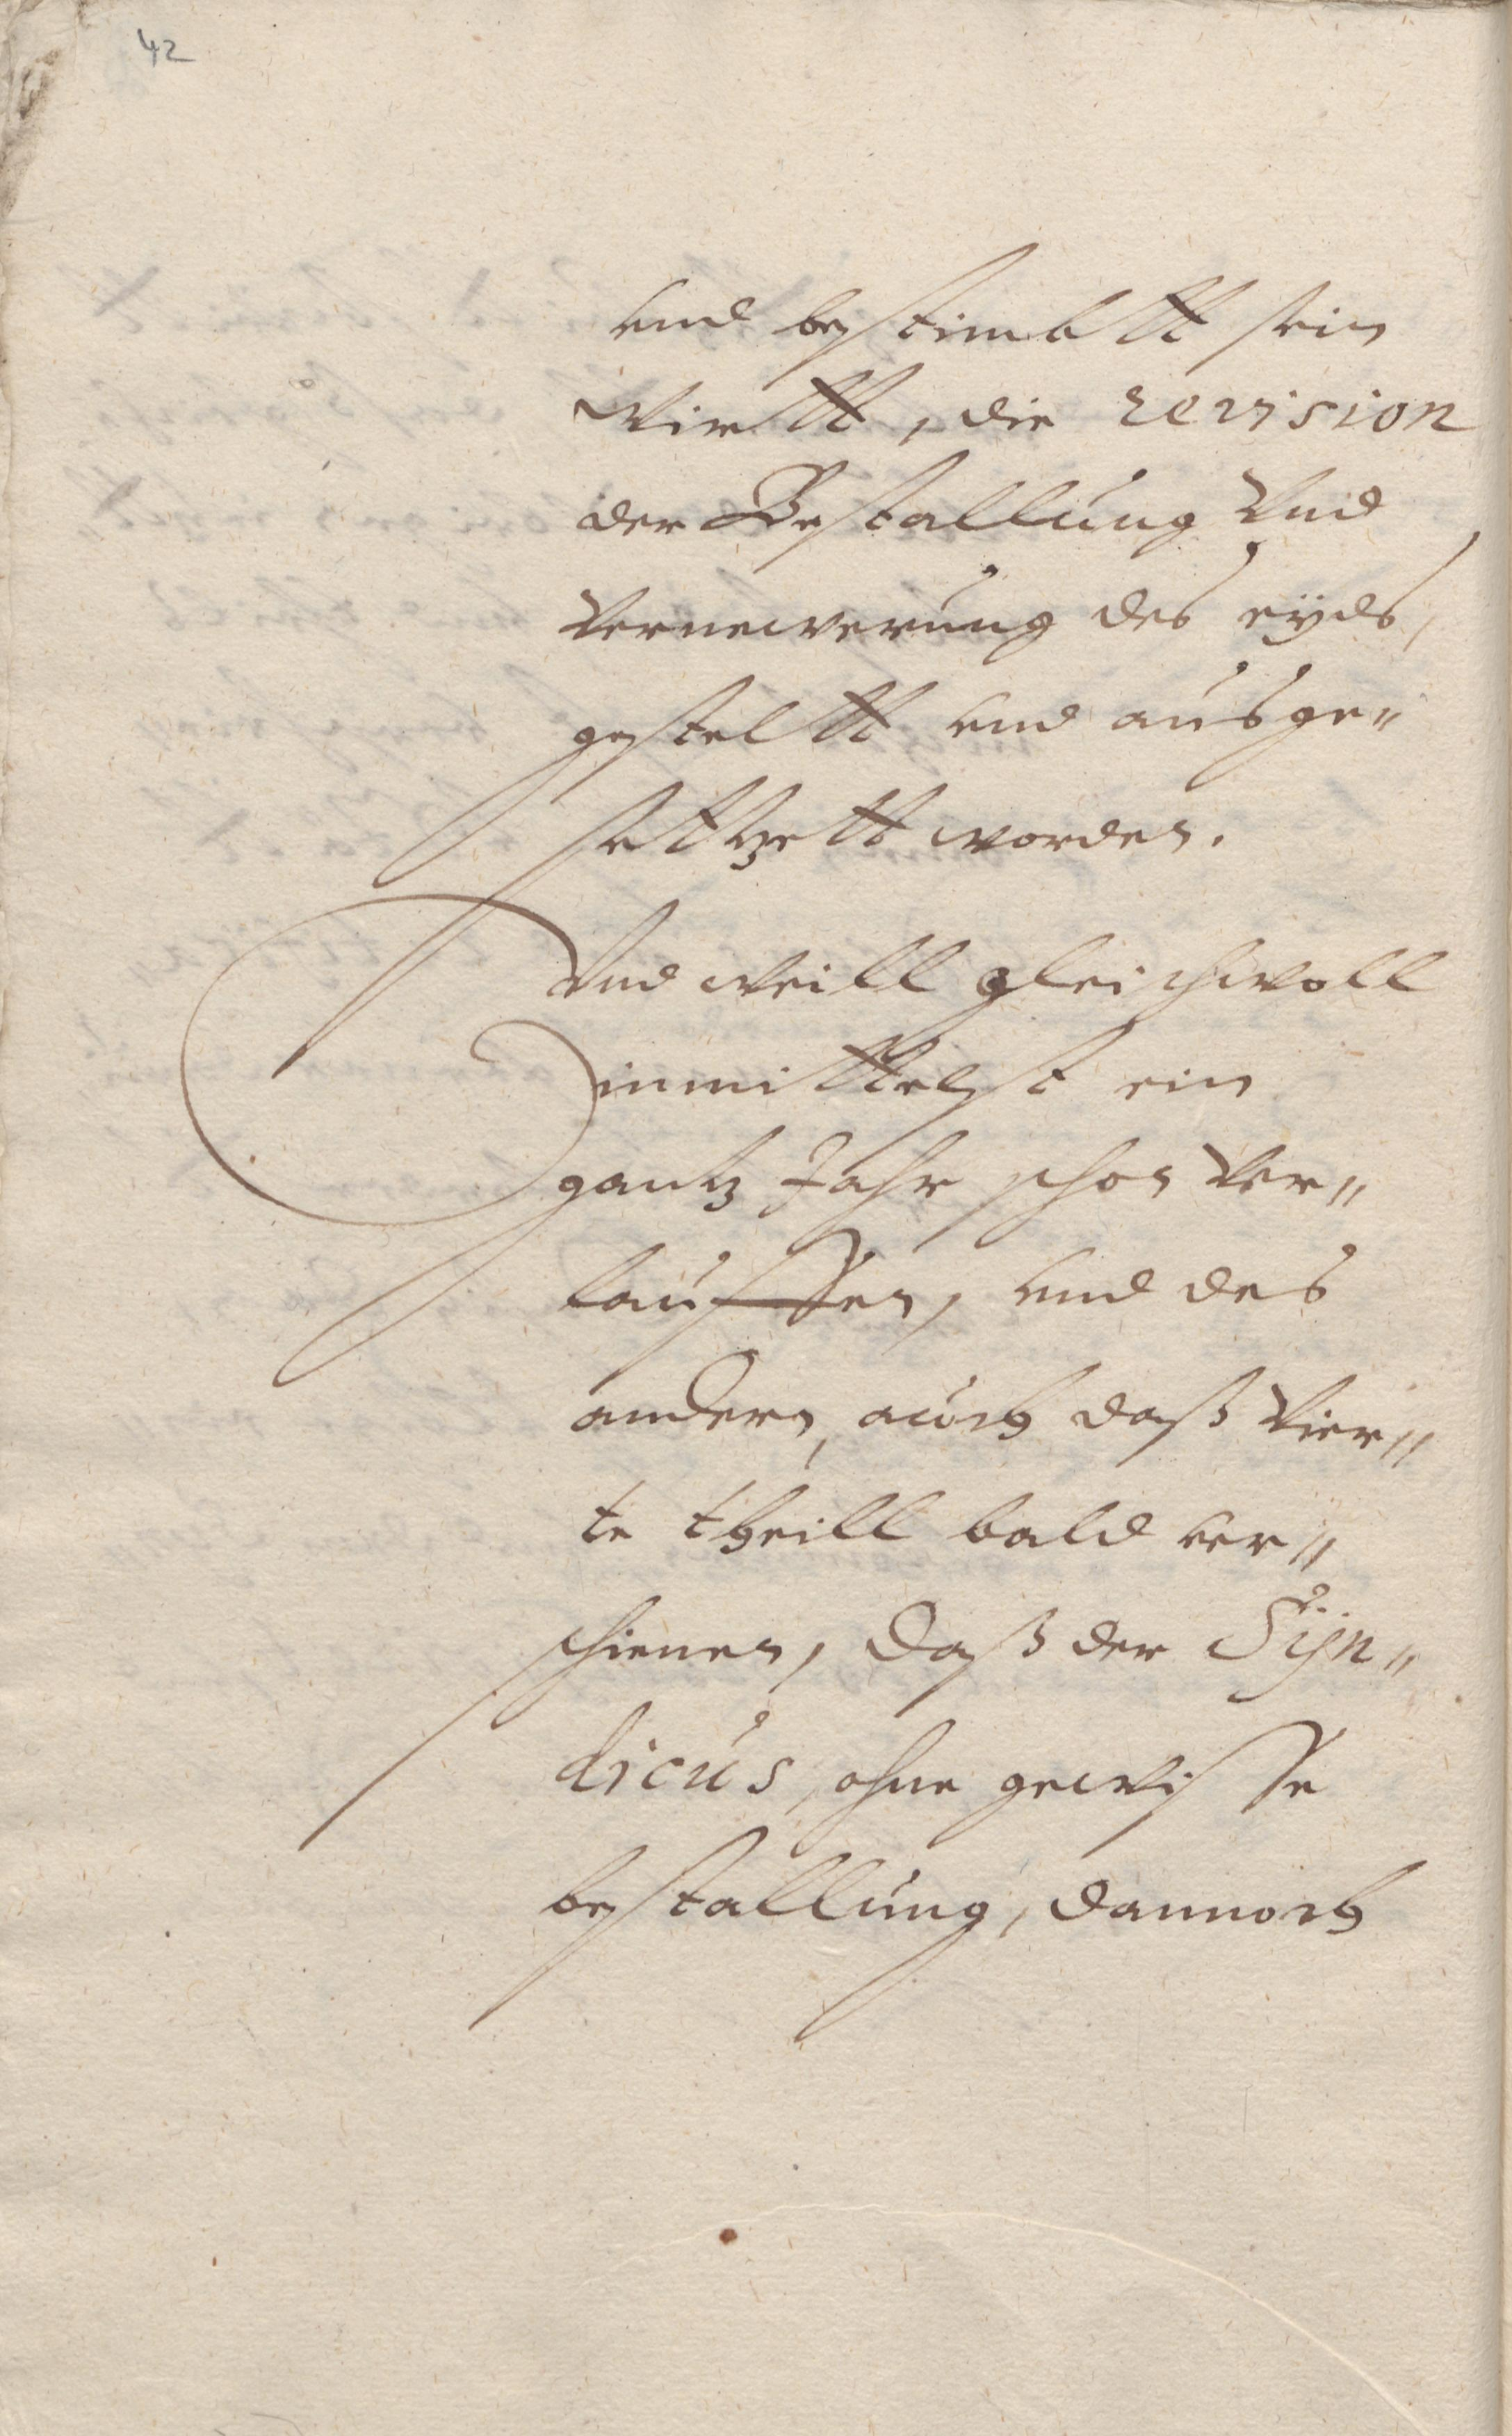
vnd bestimbtt sein
wirtt, die revision
der Bestallung Vnd
vernewerung des eijds,
gesteltt vnd ausge¬
setzett worden.
Vnd weill gleichwoll
immittelst ein
gantz Iahr schon Ver¬
lauffen, vnd des
andern, auch daß vier¬
te theill bald ver¬
schienen, daß der Sijn¬
dicus, ohne gewisse
bestallung, dannoch
